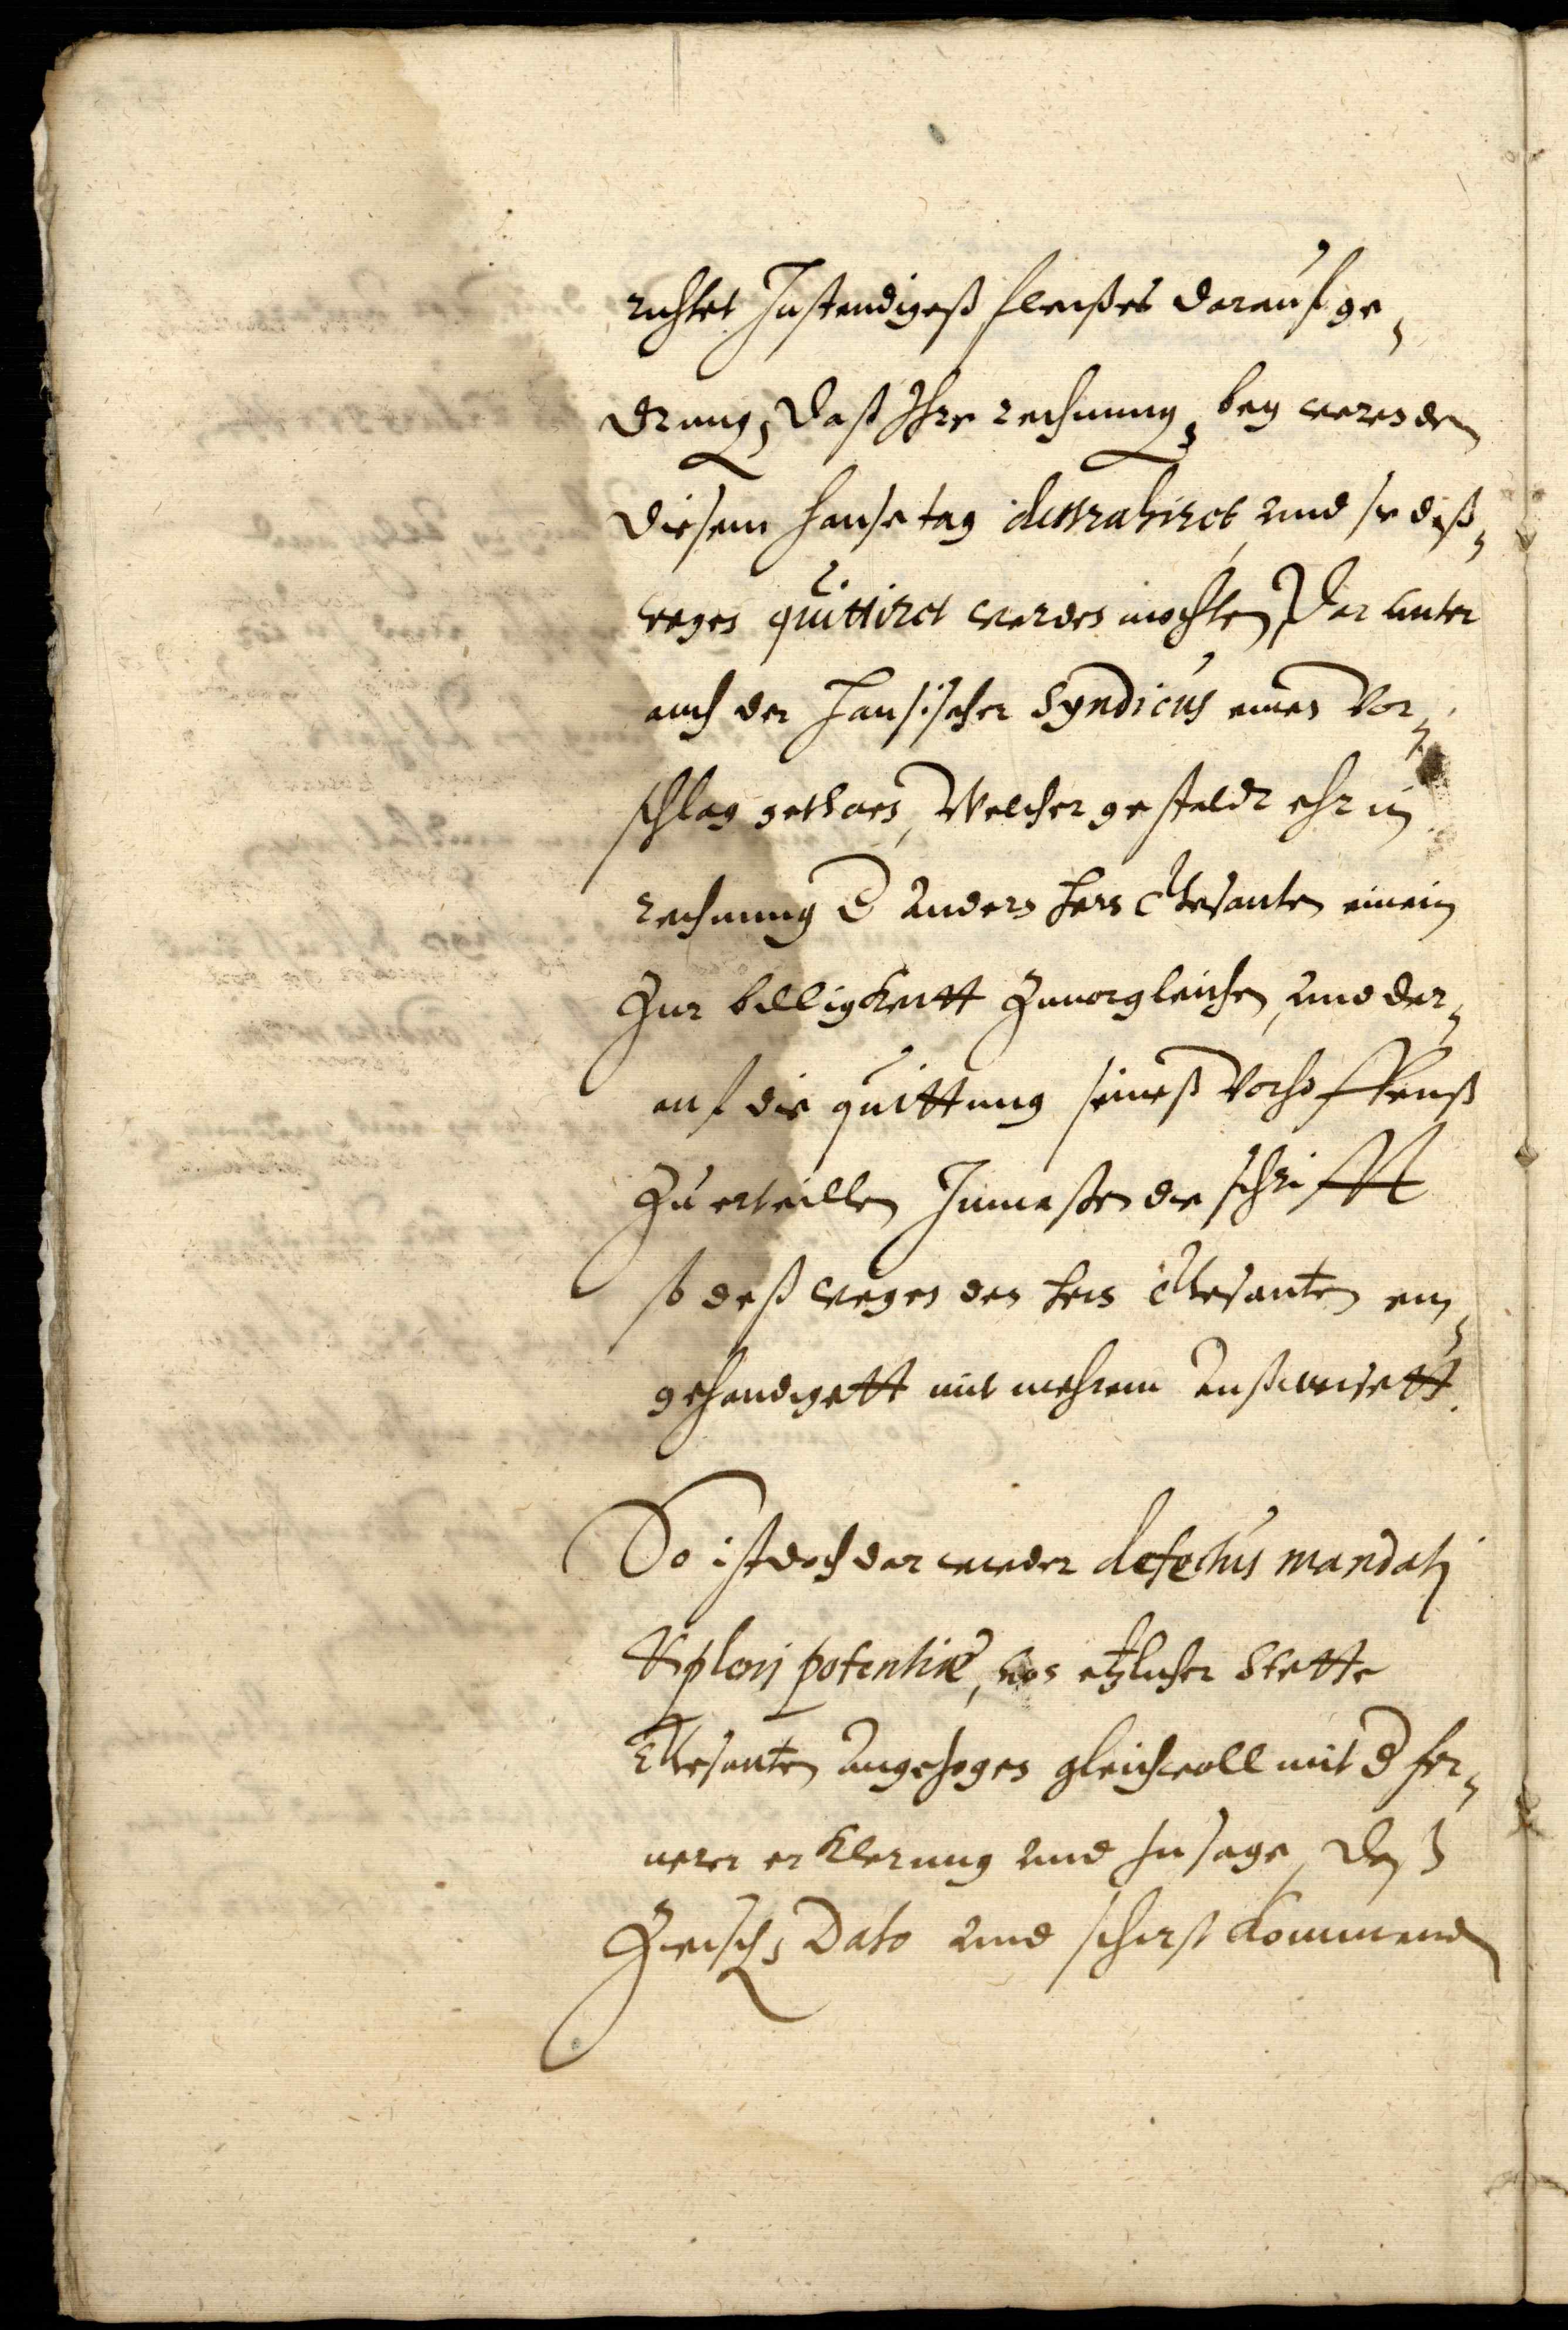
richtet zustendigeß fernßes darauf ge¬
drungen, daß Ihre rechnung beij were den
diesem hansetag dissrahiret vnd so diß¬
wegen quittiret werden mochten, Darvnter
auch der hansische syndicus einen vor¬
schlag gethan, welcher gestaldt ehr ???
rechnung der Andern hern Gesanten einen
zur billigkeit zuuorgleichen, vnd der¬
aus die quittung seineß Vorhoffenß
zu erteillen zumaßem der schritt
so deßwegen den hern Gesanten ein¬
gehandigett mit mehrem ?????iett.
So ist doch dar weder defectus mandath
& pleni potentie, von etzlichen Stette
Gesanten Angegeben gleichwoll mit der her¬
ren erklerung vnd zusage, daß
zwischen Dato vnd schirst kommenden
